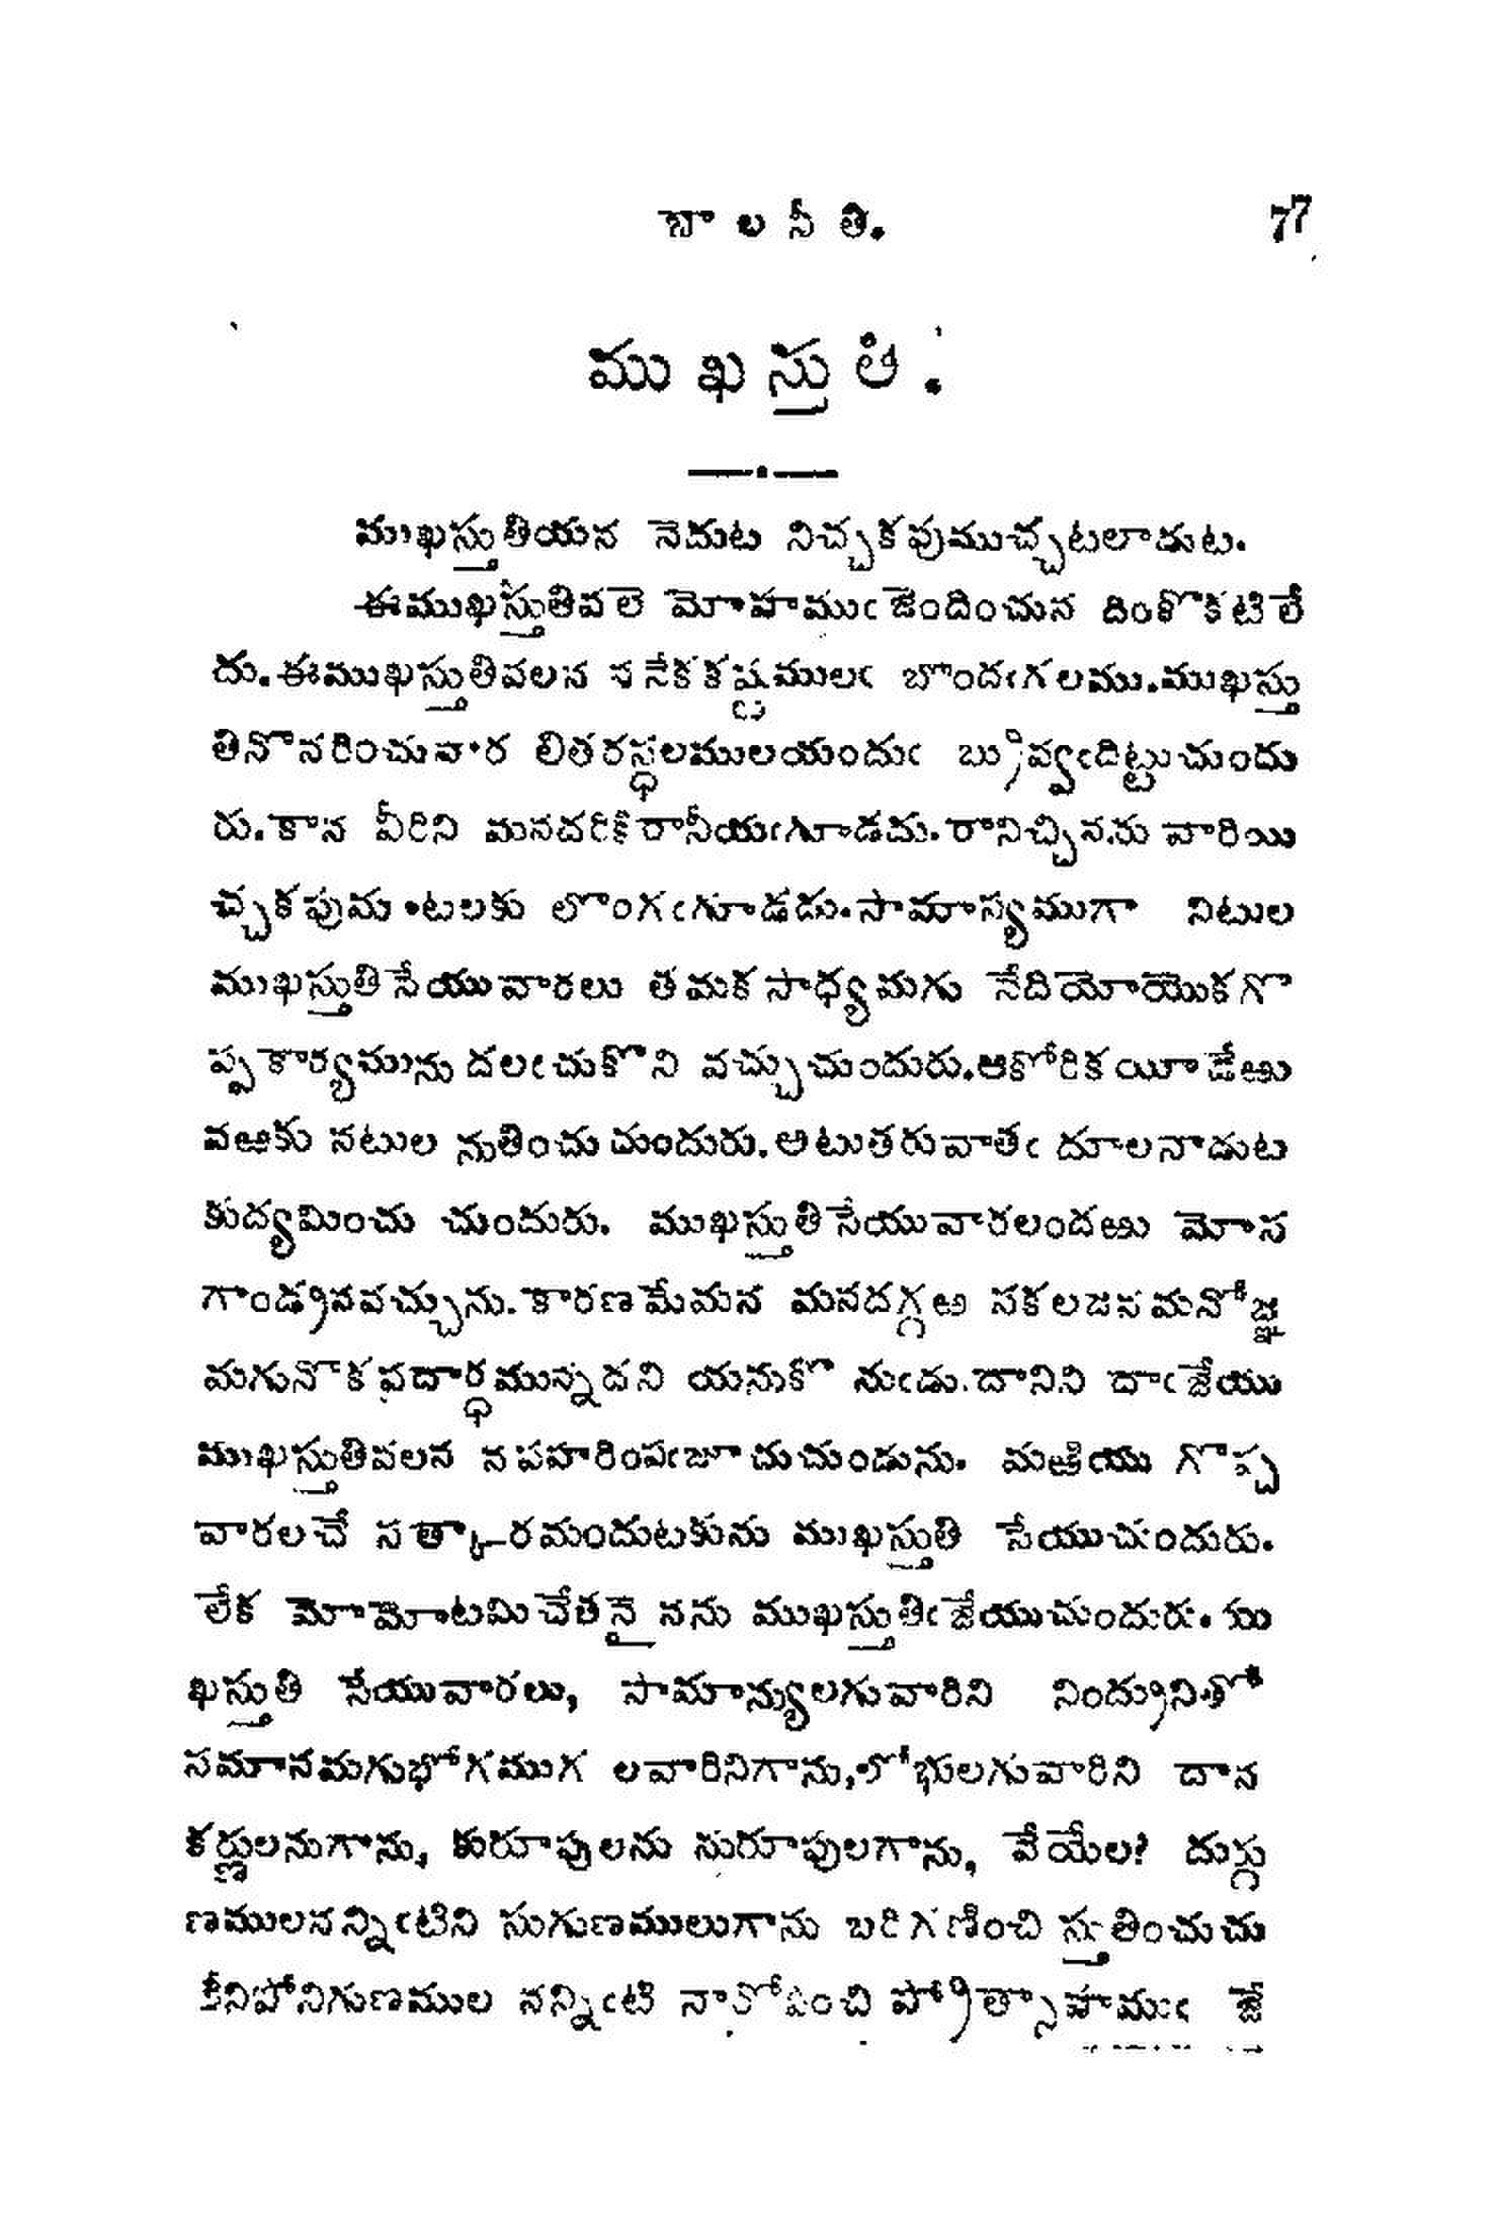ముఖస్తుతి.

ముఖస్తుతియన నెదుట నిచ్చకపుముచ్చటలాడుట.

ఈముఖస్తుతివలె మోహముఁజెందించున దింకొకటిలే
దు. ఈముఖస్తుతివలన ననేకకష్టములఁ బొందఁగలము. ముఖస్తు
తినొనరించువార లితరస్థలములయందుఁ బ్రువ్వఁదిట్టుచుందు
రు. కాన వీరిని మనదరికిరానీయఁగూడదు. రానిచ్చినను వారియి
చ్చకపుమాటలకు లొంగఁగూడదు. సామాన్యముగా నిటుల 
ముఖస్తుతిసేయువారలు తమకసాధ్యమగు నేదియోయొకగొ
ప్పకార్యమును దలఁచుకొని వచ్చుచుందురు. ఆకోరికయీడేఱు
వఱకు నటుల నుతించుచుందురు. అటుతరువాతఁ దూలనాడుట
కుద్యమించు చుందురు. ముఖస్తుతిసేయువారలందఱు మోస
గాండ్రనవచ్చును. కారణమేమన మనదగ్గఱ సకలజనమనోజ్ఞ
మగు నొకపదార్ధమున్నదని యనుకొనుఁడు. దానిని దాఁజేయు 
ముఖస్తుతివలన నపహరింపఁజూచుచుండును. మఱియు గొప్ప
వారలచే సత్కారమందుటకును ముఖస్తుతి సేయుచుందురు. 
లేక మోమోటమిచేతనైనను ముఖస్తుతిఁయుచుందురు. ము
ఖస్తుతి సేయువారలు, సామాన్యులగువారిని నింద్రునితో 
సమానమగుభోగముగలవారినిగాను, లోభులగువారిని దాన
కర్ణులనుగాను, కురూపులను సురూపులగాను, వేయేల? దుర్గు
ణములనన్నిఁటిని సుగుణములుగాను బరిగణించి స్తుతించుచు 
లేనిపోనిగుణముల నన్నిఁటి నారోపించి ప్రోత్సాహముఁ జే